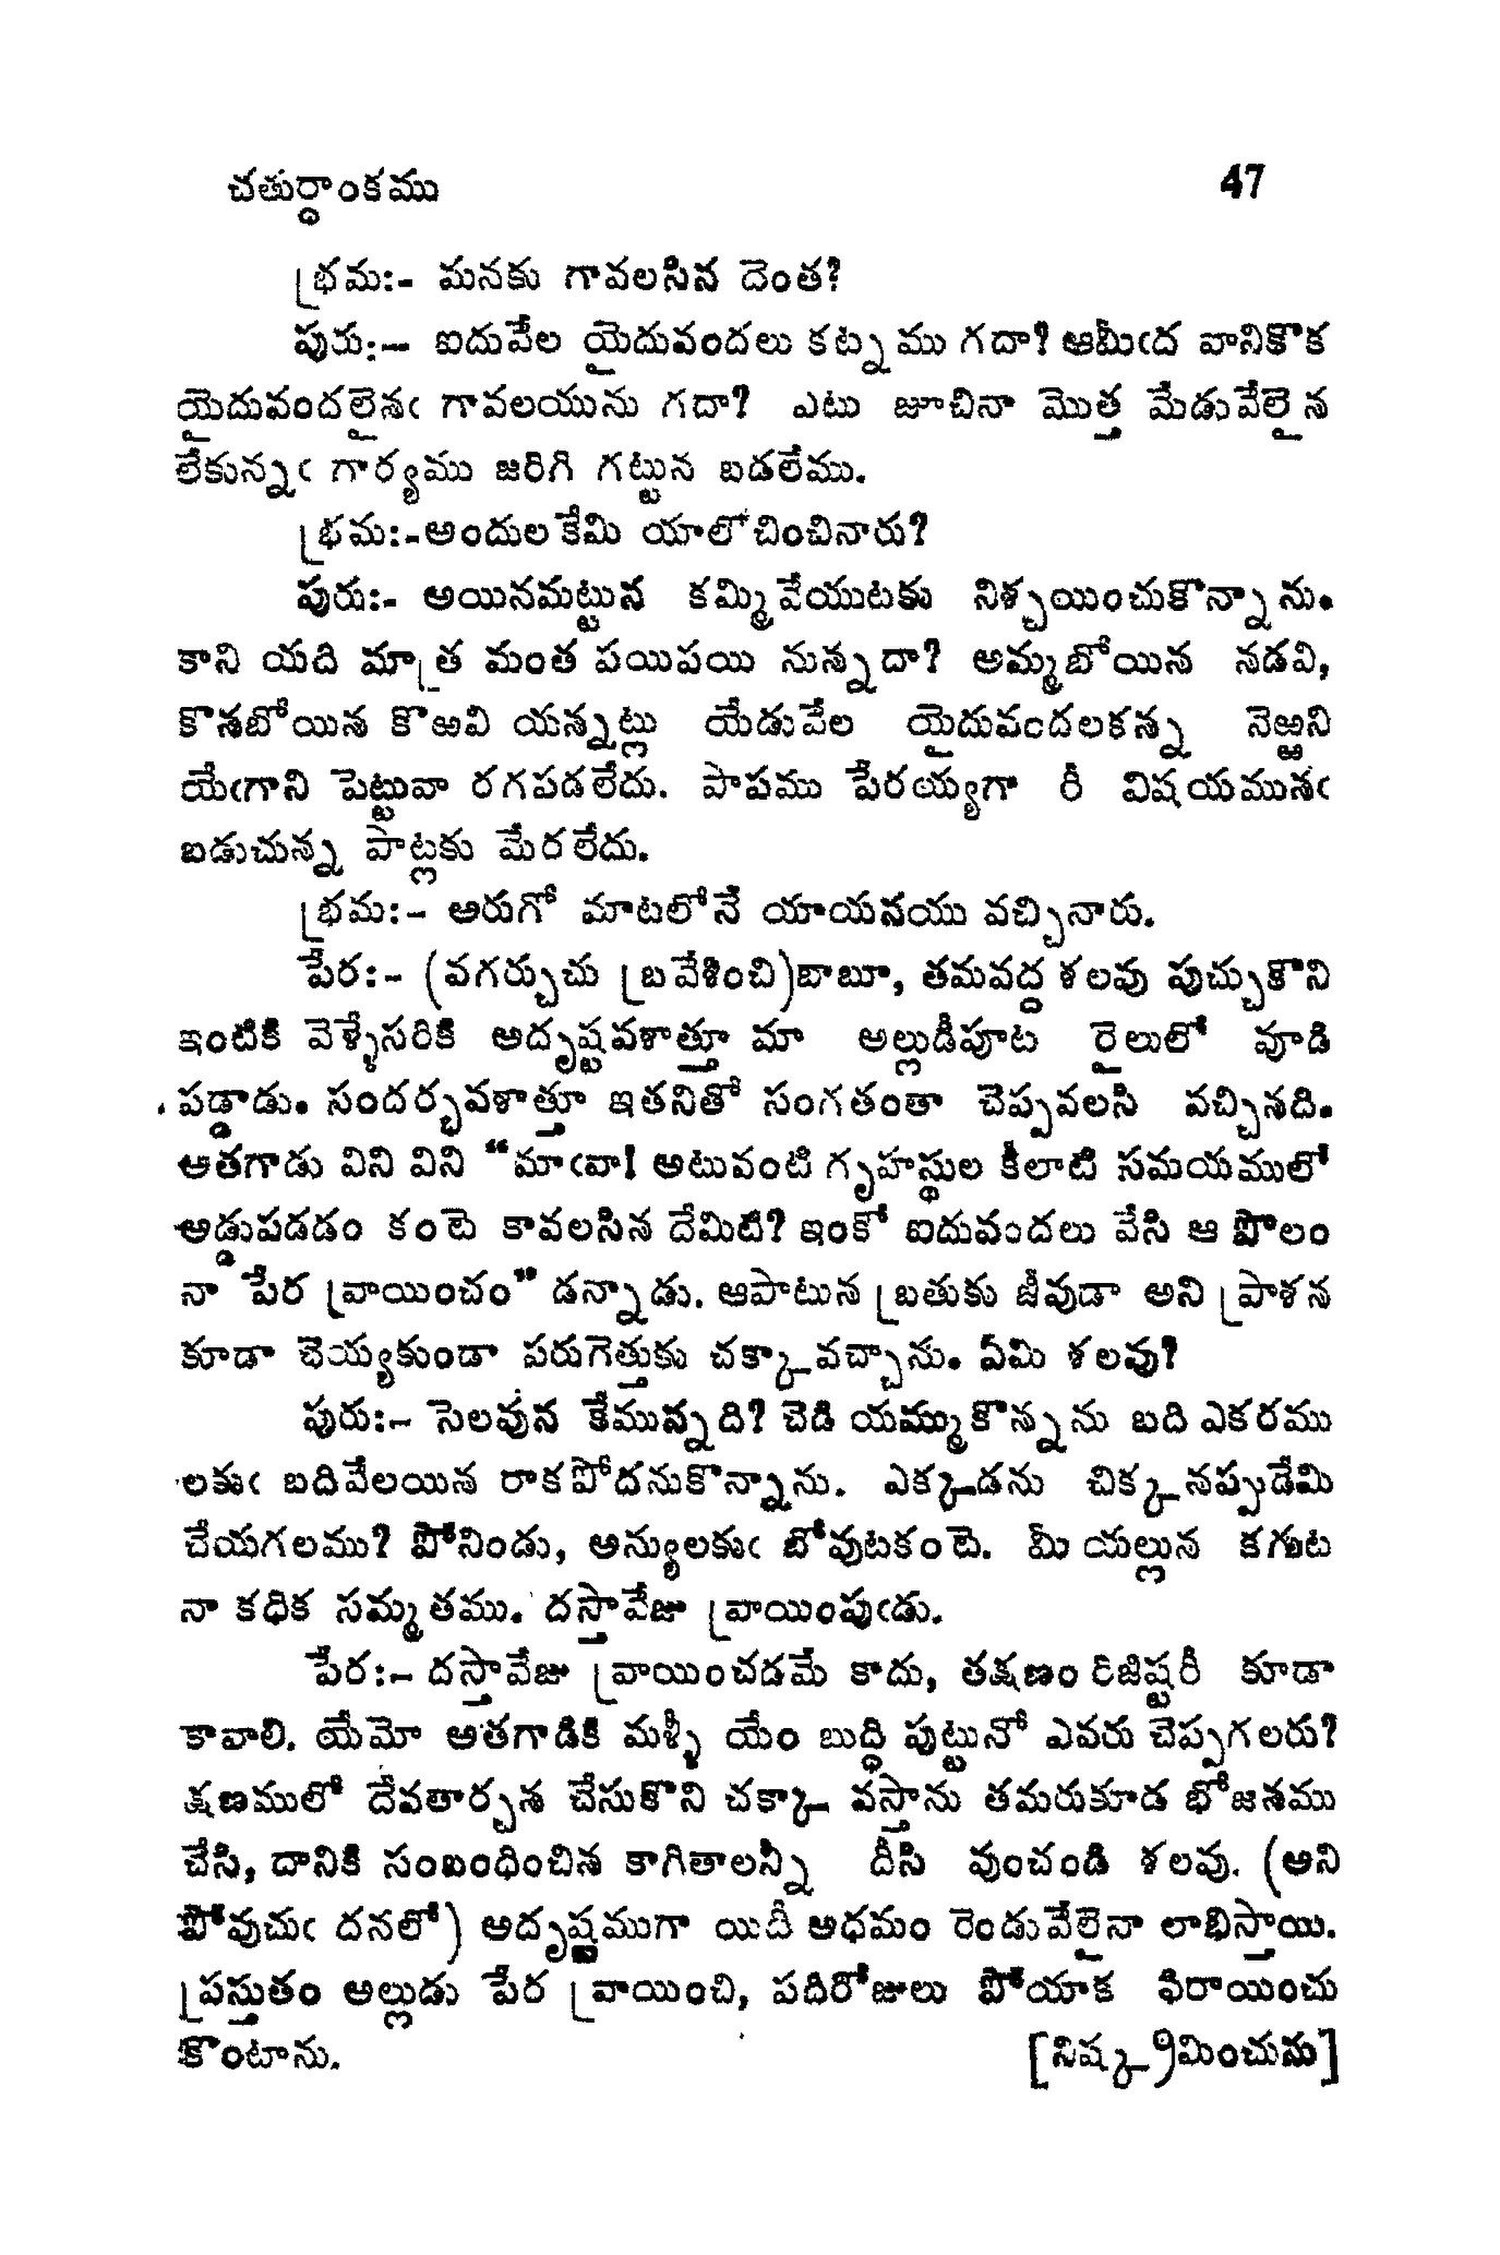భ్రమ :- మనకు గావలసిన దెంత?

పురు :- అయిదువేల యైదువందలు కట్నము గదా? ఆమీఁద వానికొక యైదువందలైనఁ గావలయును గదా? ఎటు జూచినా మొత్త మేడువేలైన లేకున్నఁ కార్యము జరిగి గట్టున బడలేము.

భ్రమ :- అందులకేమి యాలోచించినారు?

పురు : -అయినమట్టున కమ్మివేయుటకు నిశ్చయించుకొన్నాను. కాని యది మాత్ర మంత పయిపయి నున్నదా? అమ్మబోయిన నడవి, కొనబోయిన కొఱవి యన్నట్లు యేడువేల యైదువందలకన్న నెఱ్ఱని యేఁగాని పెట్టువా రగపడలేదు. పాపము పేరయ్యగా రీవిషయమునఁ బడుచున్న పాట్లకు మేరలేదు.

భ్రమ :- అరుగో మాటలోనే యాయనయు వచ్చినారు.

పేర :- (వగర్చుచు బ్రవేశించి) బాబూ, తమవద్ద శలవు పుచ్చుకొని ఇంటికి వెళ్ళేసరికి అదృష్టవశాత్తూ మా అల్లుడీపూట రైలులో వూడిపడ్డాడు. సందర్భవశాత్తూ ఇతనితో సంగతంతా చెప్పవలసి వచ్చినది. అతగాడు విని విని "మాఁవా; అటువంటి గృహస్థుల కీలాటి సమయములో అడ్డుపడడం కంటె కావలసిన దేమిటి? ఇంకో ఐదువందలు వేసి ఆ పొలం నా పేర వ్రాయించం" డన్నాడు. ఆపాటున బ్రతుకుజీవుడా అని ప్రాశన కూడా చెయ్యకుండా పరుగెత్తుకు చక్కావచ్చాను. ఏమి శలవు?

పురు :- సెలవున కేమున్నది? చెడి యమ్ముకొన్నను బది యెకరములకుఁ బదివేలయిన రాకపోదనుకొన్నాను. ఎక్కడను చిక్కనప్పుడేమి చేయగలము? పోనిండు, అన్యులకుఁ బోవుటకంటె, మీ యల్లున కగుట నాకధిక సమ్మతము. దస్తావేజు వ్రాయుంపుఁడు.

పేర :- దస్తావేజు వ్రాయించడమే కాదు, తక్షణం రిజిష్టరీ కూడా కావాలి. యేమో అతగాడికి మళ్ళీ యేం బుద్ధి పుట్టునో ఎవరు చెప్పగలరు? క్షణములో దేవతార్చన చేసుకొని చక్కా వస్తాను. తమరుకూడా భోజనము చేసి, దానికి సంబంధించిన కాగితాలన్నీ తీసి వుంచండి. శలవు. (అని పోవుచుఁ దనలో) అదృష్టముగా యిదీ అధమం రెండువేలైనా లాభిస్తాయి. ప్రస్తుతం అల్లుడు పేర వ్రాయించి, పదిరోజులు పోయాక ఫిరాయించుకుంటాను. [నిష్క్రమించును]